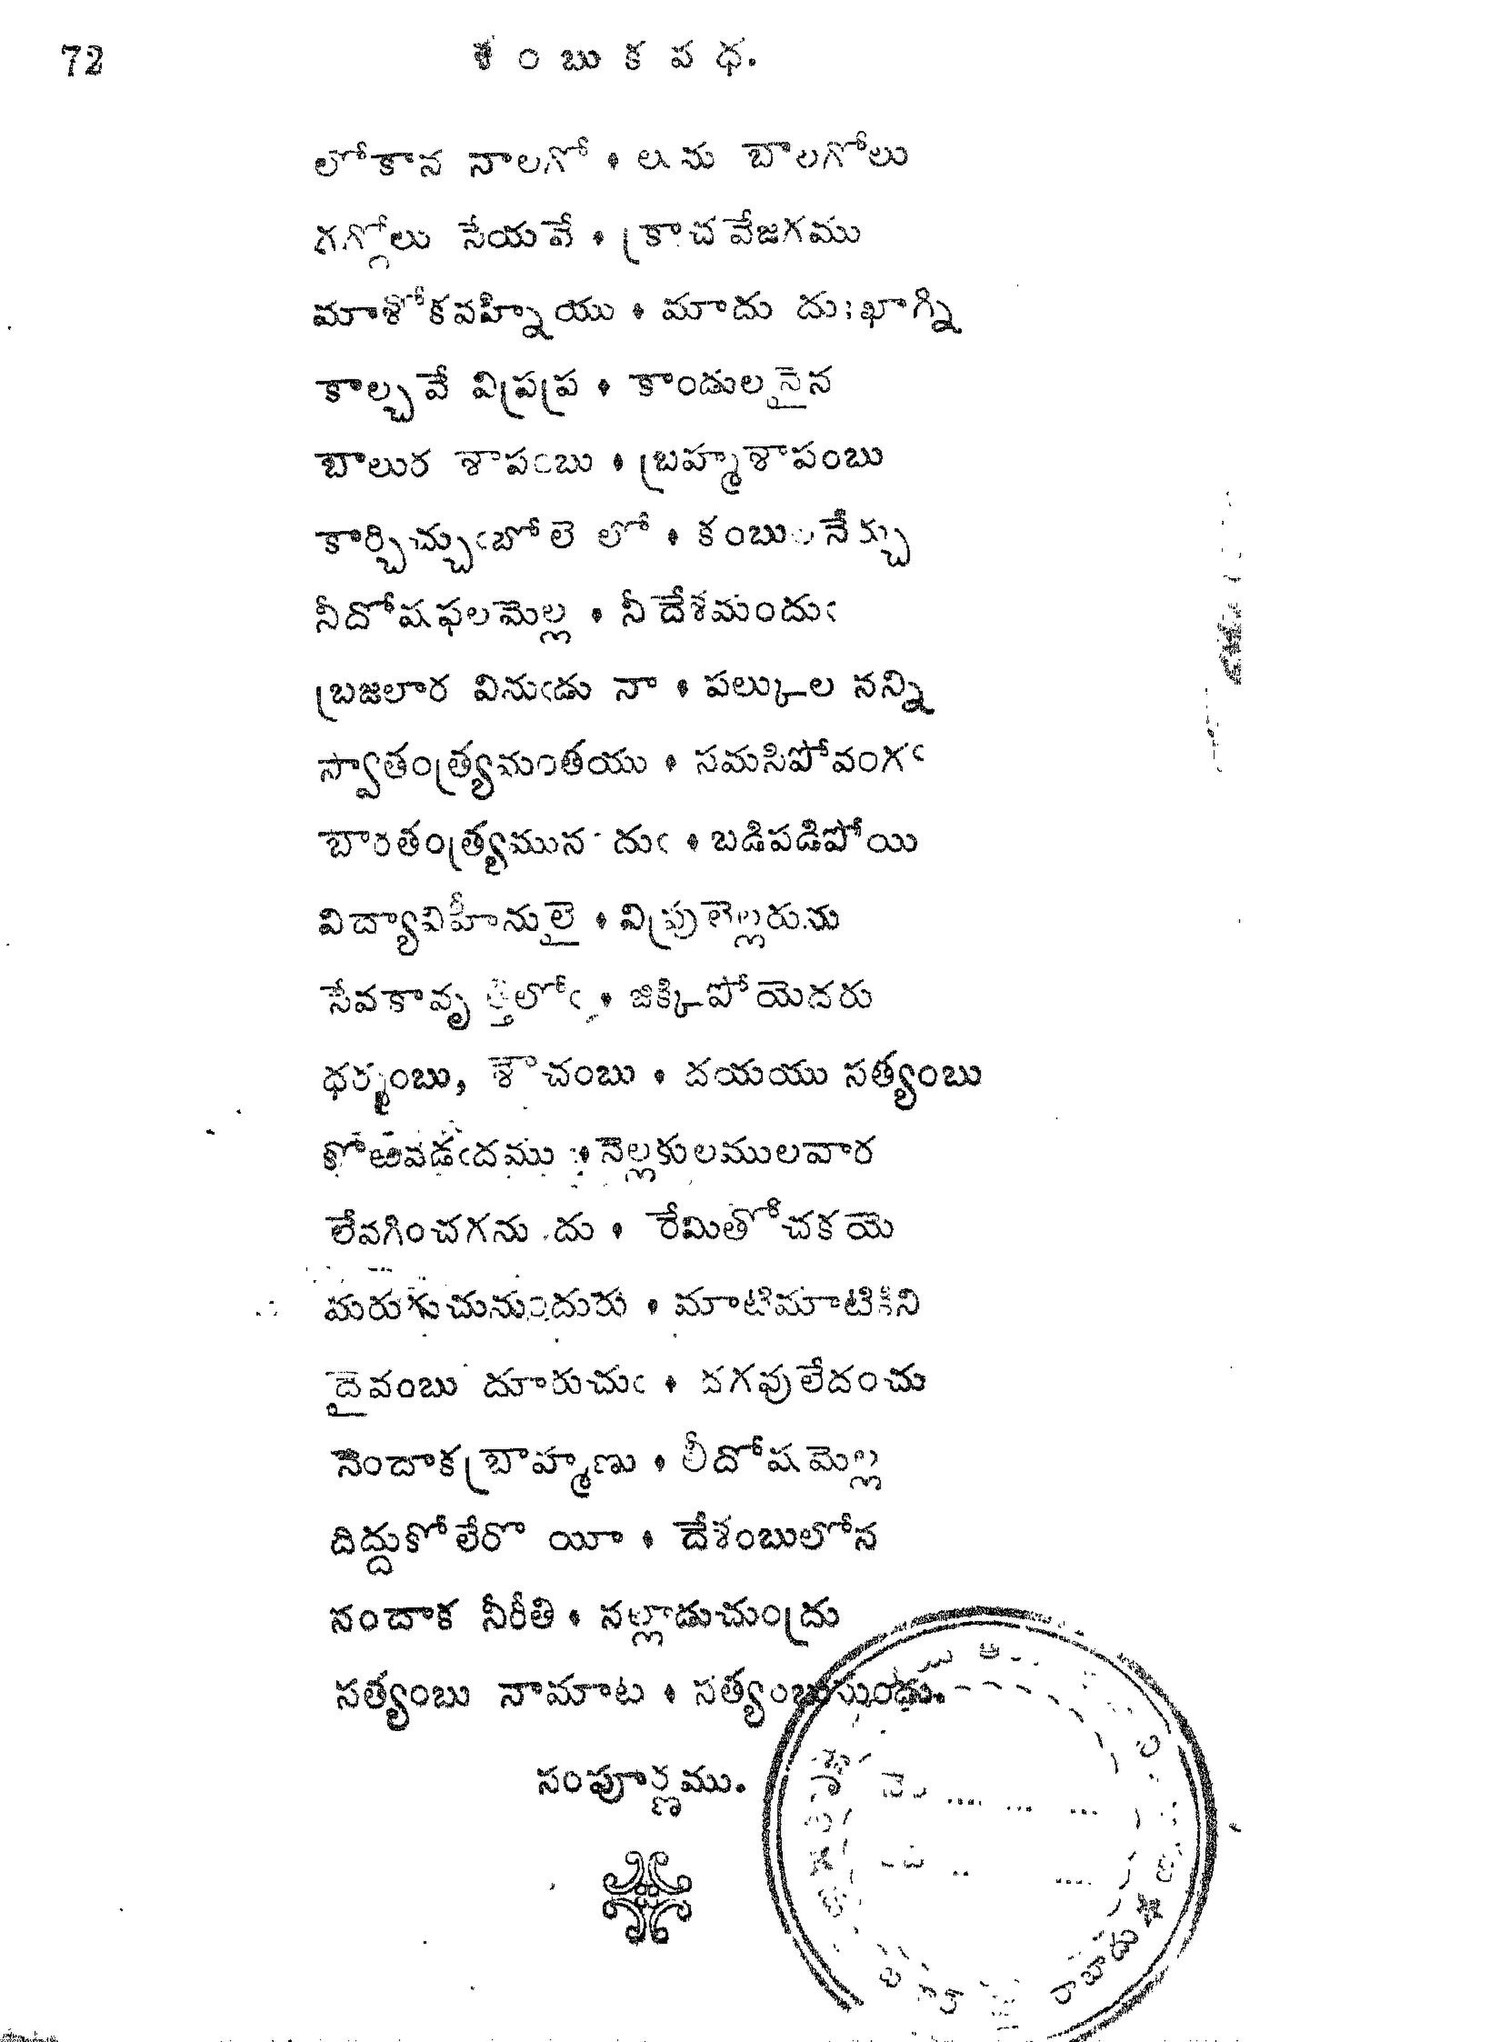లోకాన నాలగో లును బాలగోలు
 గగ్గోలు సేయవే క్రాచ వేజగము
 మాశోకవహ్నియు మాదు దు: ఖాగ్ని
 కాల్చవే విప్రప్ర కాండుల నైన
 బాలుర శాపంబు,బ్రహ్మశాపంబు
 కార్చిచ్చు.బో లె లో కంబుల నేర్చు
 నీదోషఫల మెల్ల నీ దేశమందు
 బ్రజలార వినుఁడు నా పల్కుల నన్ని
 స్వాతంత్ర్యమంతయు సమసిపోవంగఁ
 బారతంత్ర్యమునందుఁ బడిపడిపోయి
 విద్యావిహీనులై విప్రులెల్లరును
 సేవ కావృత్తిలోఁ - జిక్కిపోయెదరు
 ధర్మంబు, శౌచంబు • దయయు సత్యంబు
 కోఱవడఁదము • నెల్లకులములవార
 లేవగించగను .దు . రేమితోచక యె
 మరుగుచునుందురు మాటిమాటికిని
 దైవంబు దూరుచుఁ దగవు లేదంచు
 నెందాక బ్రాహ్మణు లీదోష మెల్ల
 దిద్దుకో లేరో యీ • దేశంబులోన
 సందాక నీరీతి, నల్లాడుచుంద్రు
 సత్యంబు నామాట • సత్యంబునుండు. --